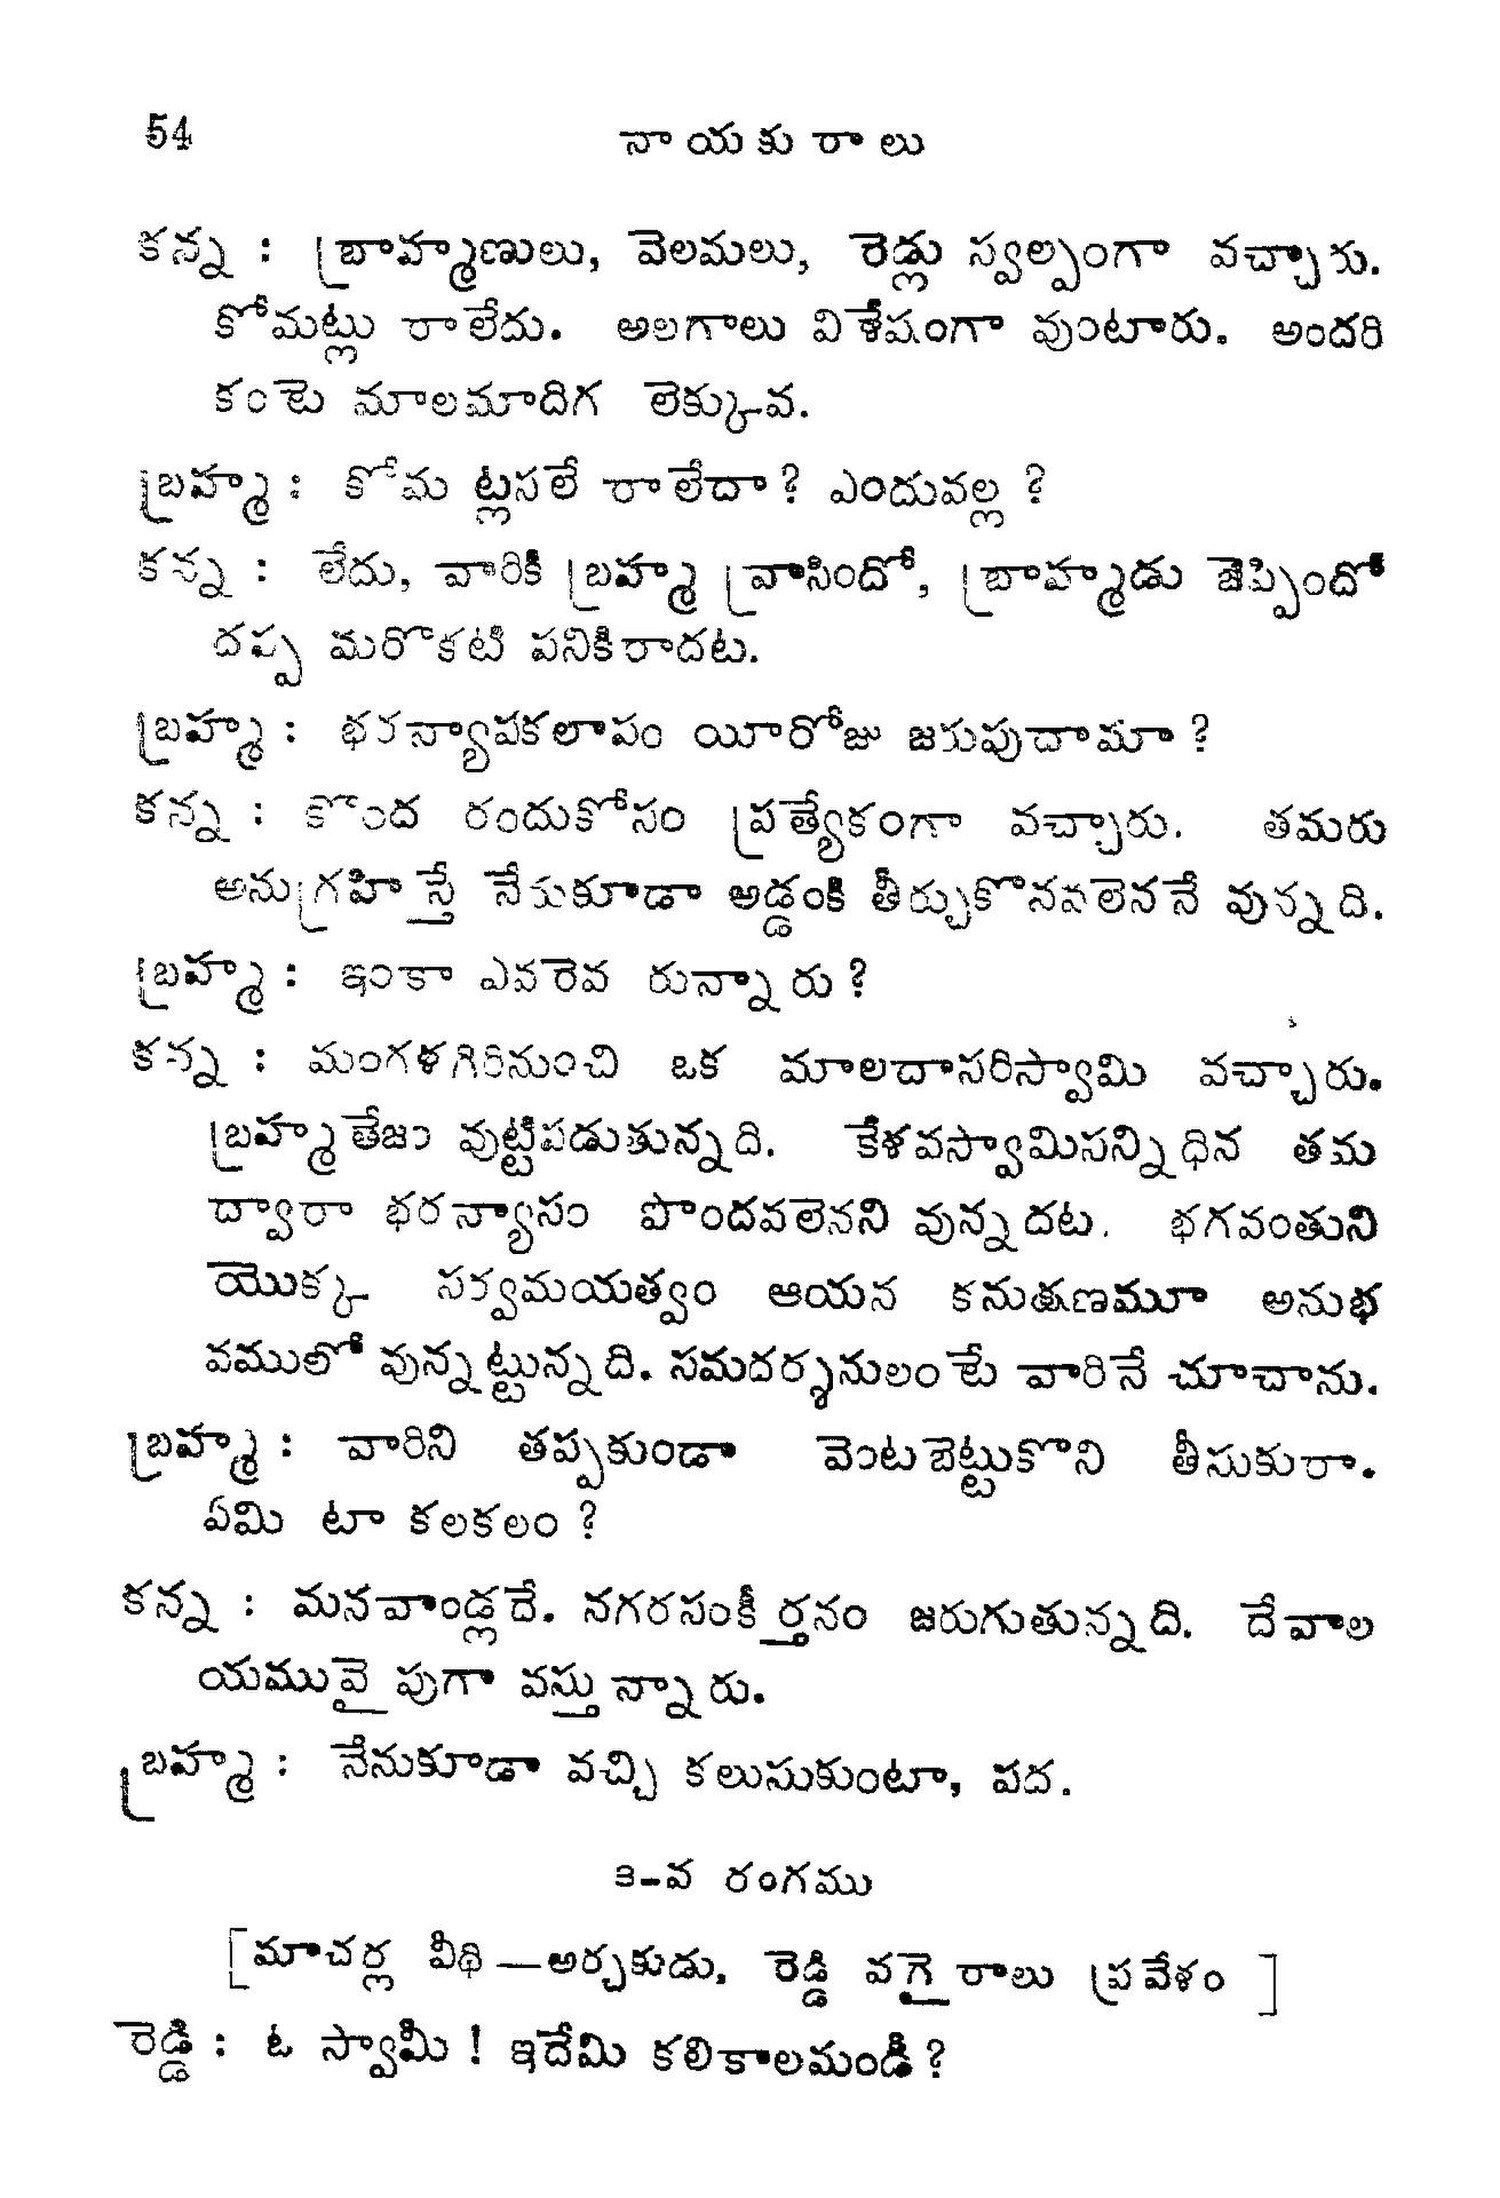కన్న : బ్రాహ్మణులు, వెలమలు, రెడ్లు స్వల్పంగా వచ్చారు. కోమట్లు రాలేదు. అలగాలు విశేషంగా వుంటారు. అందరికంటె మాలమాదిగ లెక్కువ.

బ్రహ్మ: కోమ ట్లసలే రాలేదా ? ఎందువల్ల ?

కన్న : లేదు, వారికి బ్రహ్మ వ్రాసిందో, బ్రాహ్మడు చెప్పిందో దప్ప మరొకటి పనికిరాదట.

బ్రహ్మ : భరన్యాపకలాపం యీరోజు జరుపుదామా ?

కన్న : కొంద రందుకోసం ప్రత్యేకంగా వచ్చారు. తమరు అనుగ్రహిస్తే నేనుకూడా అడ్డంకి తీర్చుకొనవలెననే వున్నది.

బ్రహ్మ: ఇంకా ఎవరెవ రున్నారు ?

కన్న : మంగళగిరినుంచి ఒక మాలదాసరిస్వామి వచ్చారు. బ్రహ్మతేజం వుట్టిపడుతున్నది. కేశవస్వామిసన్నిధిన తమద్వారా భరన్యాసం పొందవలెనని వున్నదట. భగవంతుని యొక్క సర్వమయత్వం ఆయన కనుక్షణమూ అనుభవములో వున్నట్టున్నది. సమదర్శనులంటే వారినే చూచాను.

బ్రహ్మ : వారిని తప్పకుండా వెటబెట్టుకొని తీసుకురా. ఏమి టా కలకలం ?

కన్న : మనవాండ్లదే. నగరసంకీర్తనం జరుగుతున్నది. దేవాలయమువైపుగా వస్తున్నారు.

బ్రహ్మ : నేనుకూడా వచ్చి కలుసుకుంటా, పద.

రెడ్డి : ఓ స్వామీ ! ఇదేమి కలికాలమండి ?